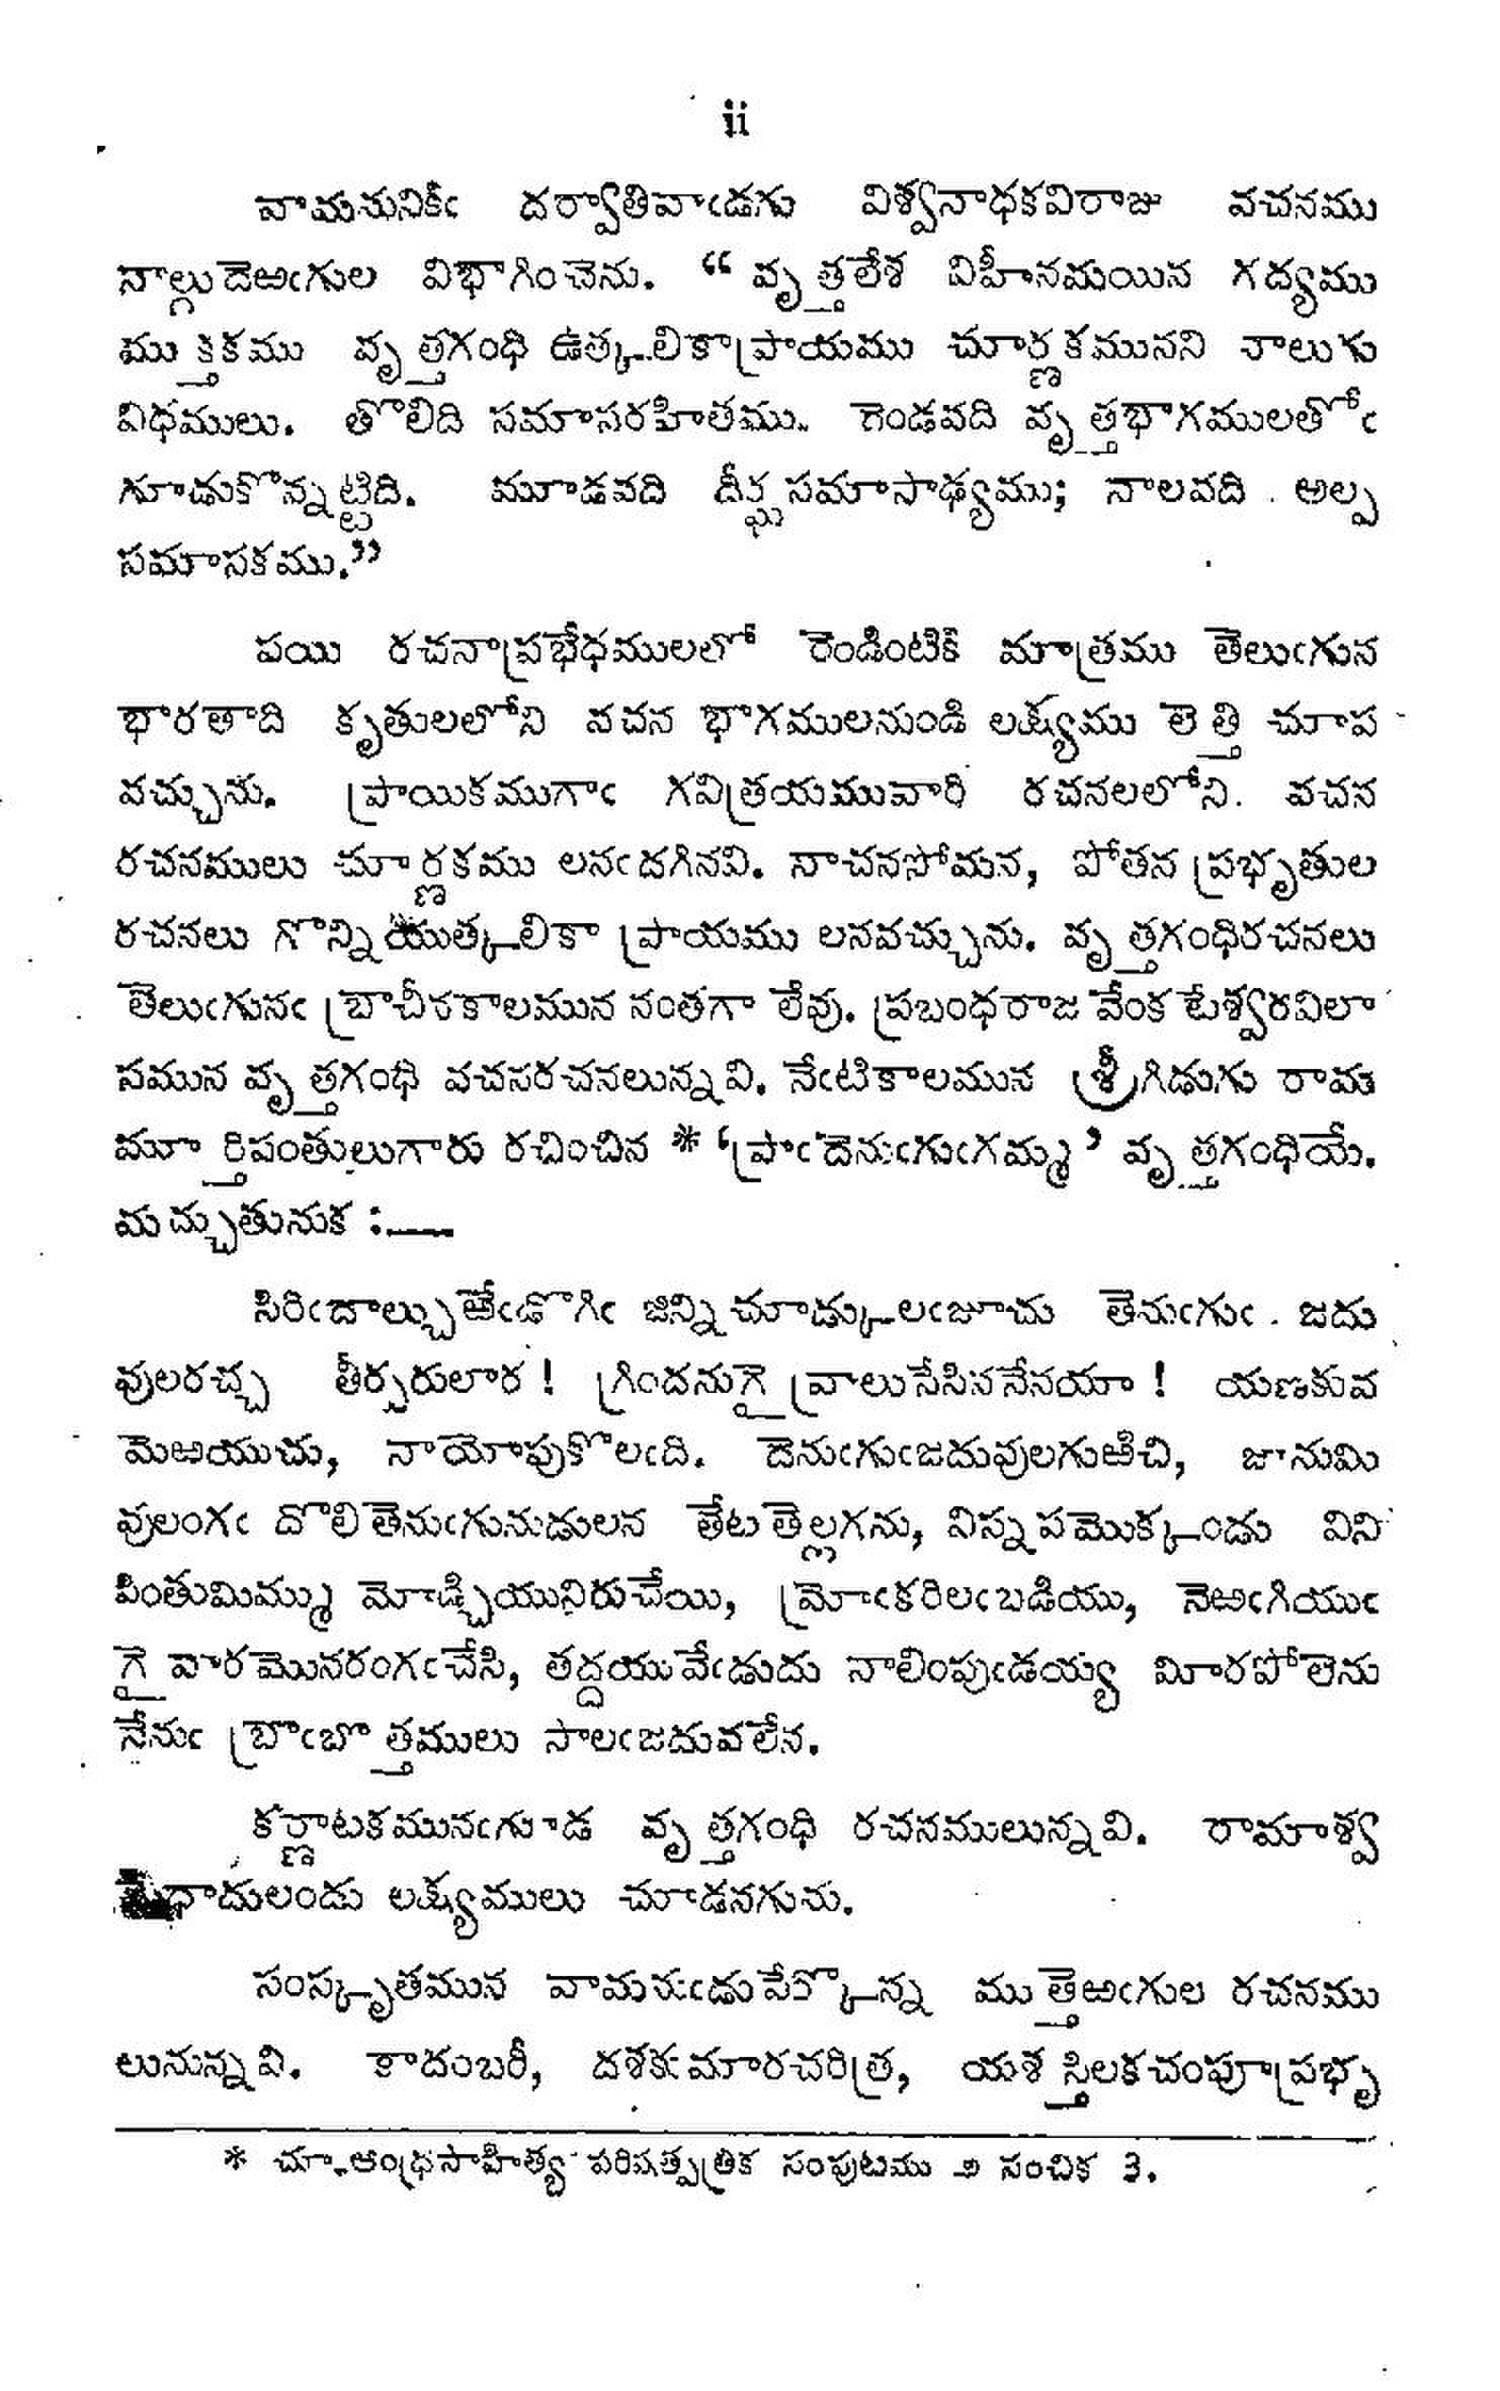వామనునికిఁ దర్వాతివాఁడగు విశ్వనాధకవిరాజు వచనము నాల్గుదెఱఁగుల విభాగించెను. వృత్తలేశ విహీనమయిన గద్యము ముక్తకము వృత్తగంధి ఉత్కలికాప్రాయము చూర్ణకమునని నాలుగు విధములు. తొలిది సమాసరహితము. రెండవది వృత్తభాగములతోఁ గూడుకొన్నట్టిది. మూడవది దీర్ఘసమాసాఢ్యము; నాలవది అల్పసమాసకము.

పయి రచనాప్రభేధములలో రెండింటికి మాత్రము తెలుఁగున భారతాది కృతులలోని వచన భాగములనుండి లక్ష్యము లెత్తి చూపవచ్చును. ప్రాయికముగాఁ గవిత్రయమువారి రచనలలోని వచన రచనములు చూర్ణకము లనఁదగినవి. నాచనసోమన, పోతన ప్రభృతుల రచనలు గొన్ని యుత్కలికా ప్రాయము లనవచ్చును. వృత్తగంధిరచనలు తెలుఁగునఁ బ్రాచీనకాలమున నంతగా లేవు. ప్రబంధరాజ వెంకటేశ్వరవిలాసమున వృత్తగంధి వచనరచనలున్నవి. నేఁటికాలమున శ్రీగిడుగు రామమూర్తిపంతులుగారు రచించిన 'ప్రాఁదెనుఁగుఁగమ్మ'1 వృత్తగంధియే. 
మచ్చుతునుక :____

సిరిఁదాల్చుఱేఁడోగిఁ జిన్ని చూడ్కులఁజూచు తెనుఁగుఁ. జదువులరచ్చ తీర్పరులార ! గ్రిందనుగై వ్రాలుసేసిననేనయా ! యణకువమెఱయుచు, నాయోపుకొలఁది. దెనుఁగుఁజదువులగుఱిచి, జానుమివులంగఁ దొలితెనుఁగునుడులన తేటతెల్లగను, విన్నపమొక్కండు వినిపింతుమిమ్ము మోడ్చియునిరుచేయి, మ్రోఁకరిలఁబడియు, నెఱఁగియుఁ గైవారమొనరంగఁచేసి, తద్దయువేఁడుదు నాలింపుఁడయ్య మీరపోలెను నేనుఁ బ్రాఁబొత్తములు సాలఁజదువులేన. 

కర్ణాటకమునఁగూడ వృత్తగంధి రచనములున్నవి. రామాశ్వమేధాదులందు లక్ష్యములు చూడనగును. 

సంస్కృతమున వామనుఁడుపేర్కొన్న ముత్తెఱఁగుల రచనములునున్నవి. కాదంబరీ, దశకుమారచరిత్ర, యశస్తిలాకాచంపూప్రభృ

1చూ . ఆంధ్రసాహిత్య పరిషత్పత్రిక సంపుటము ౨ సంచిక ౩